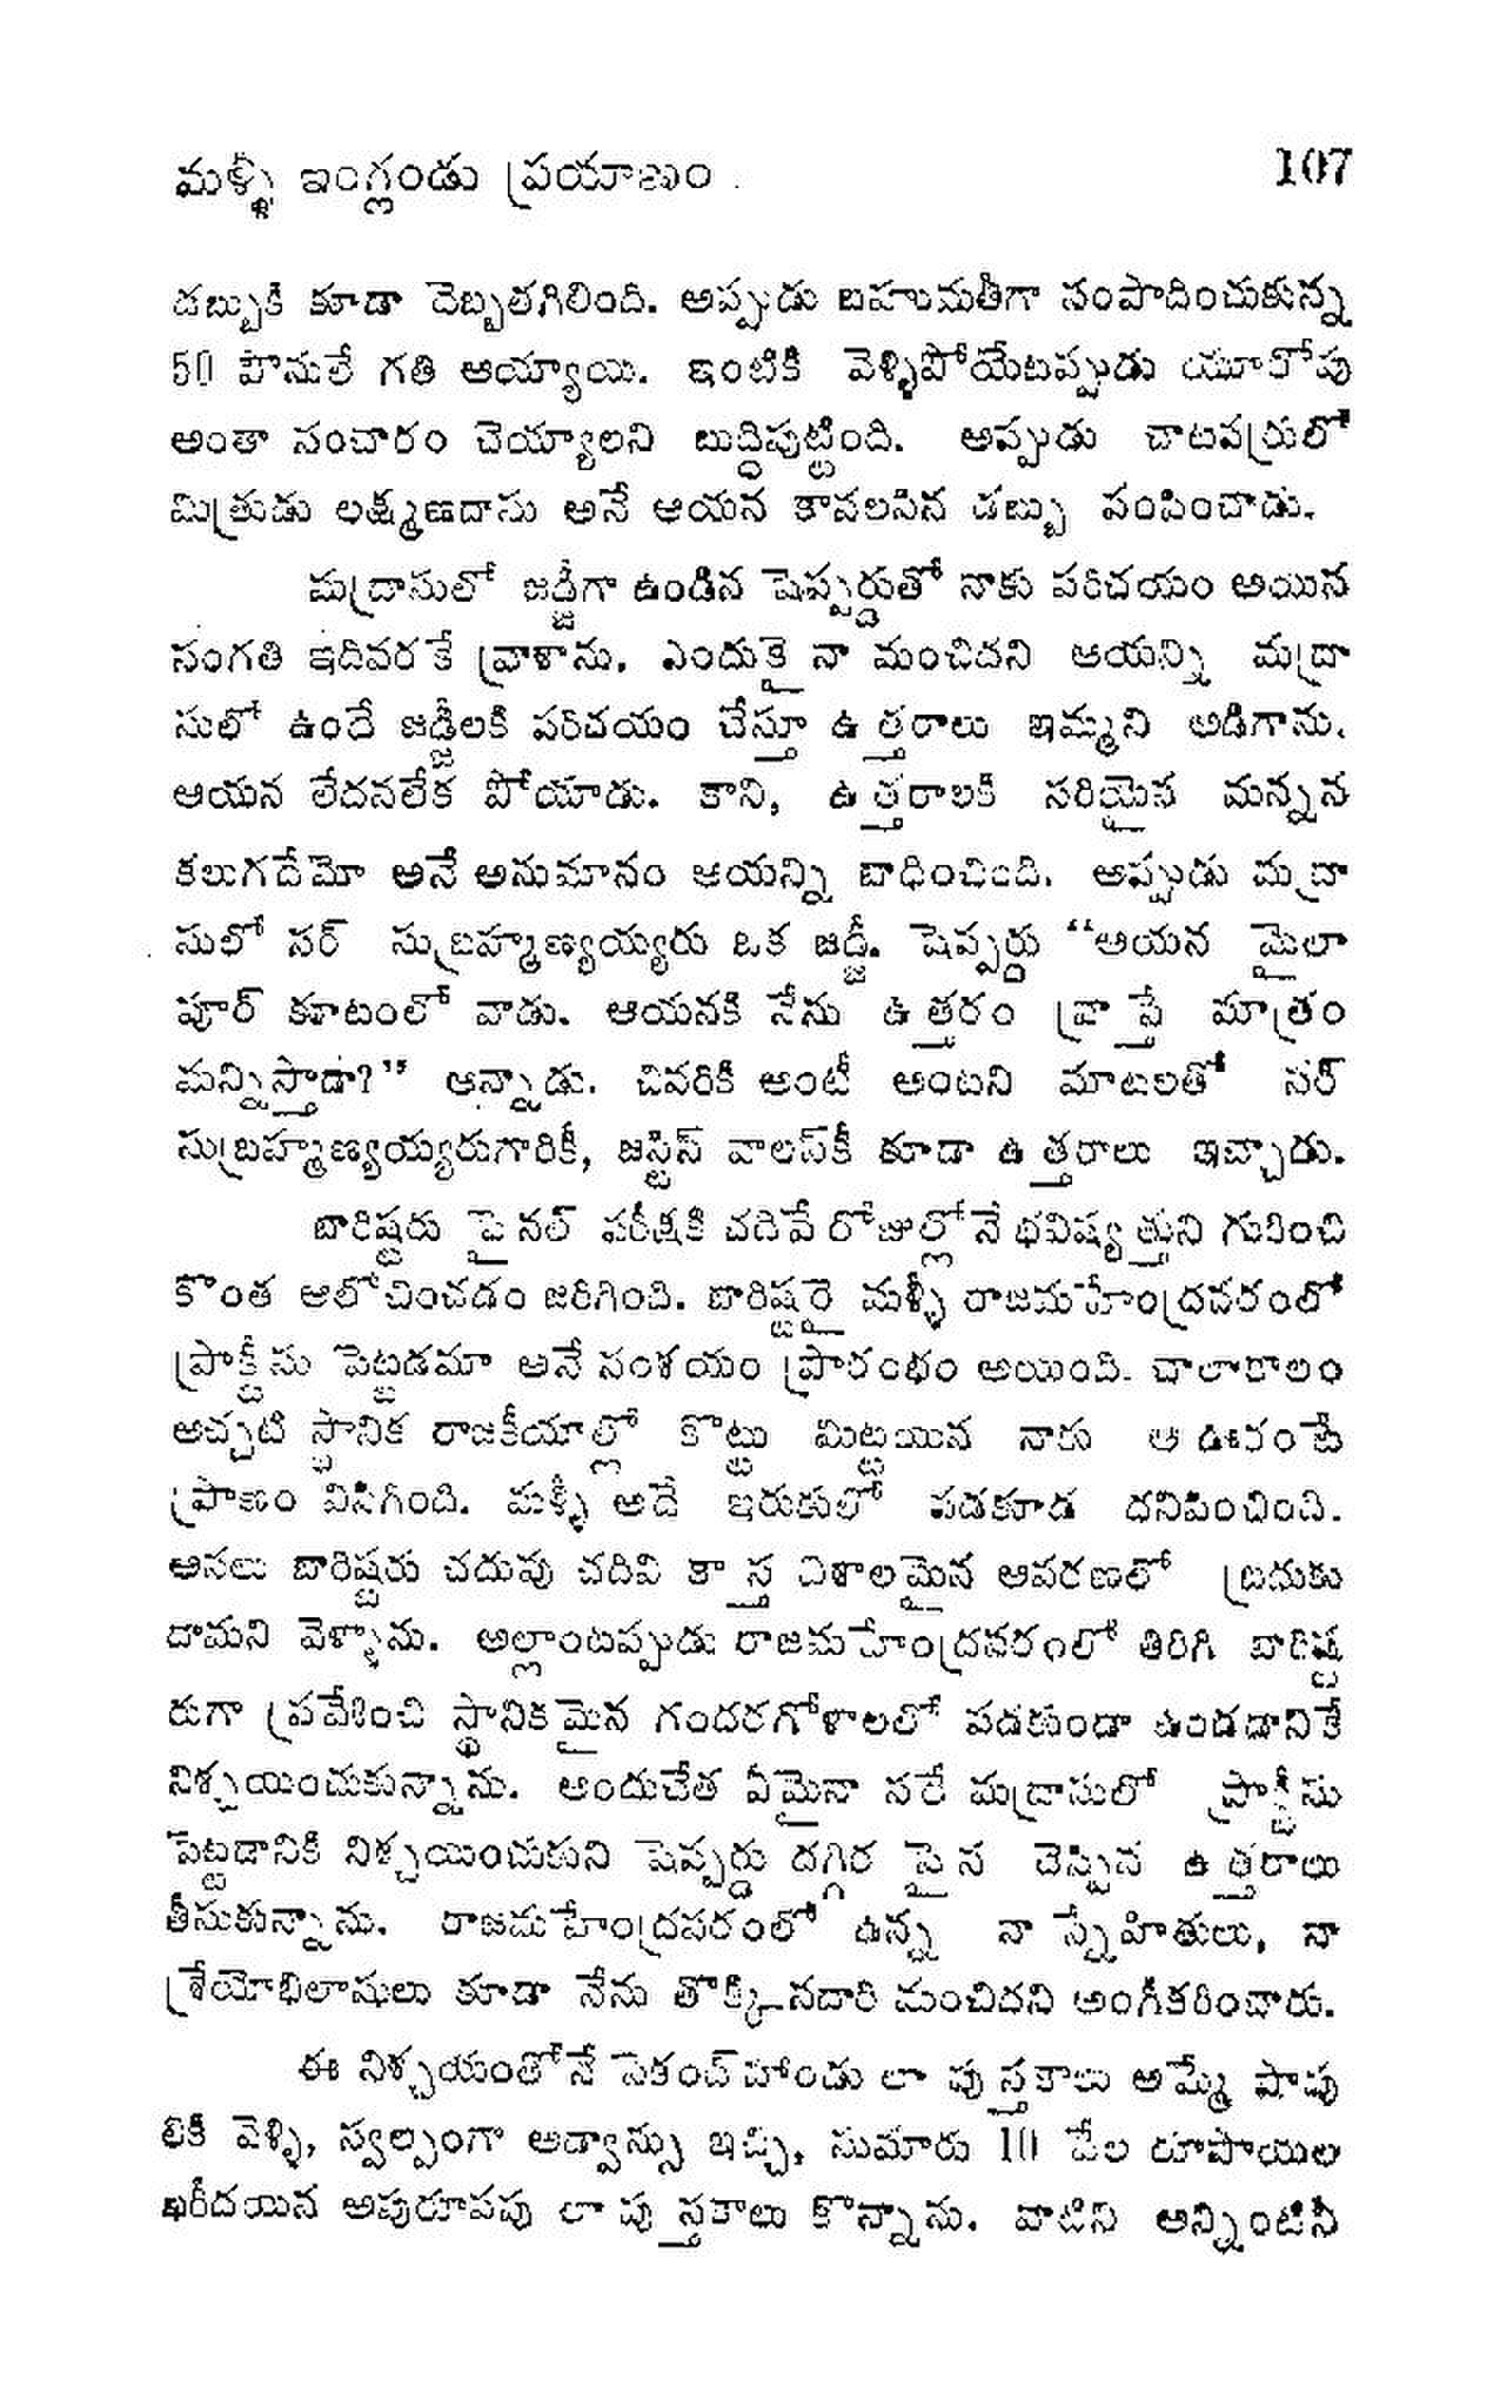డబ్బుకి కూడా దెబ్బతగిలింది. అప్పుడు బహుమతిగా సంపాదించుకున్న 50 పౌనులే గతి అయ్యాయి. ఇంటికి వెళ్ళిపోయేటప్పుడు యూరోపు అంతా సంచారం చెయ్యాలని బుద్ధిపుట్టింది. అప్పుడు చాటపర్రులో మిత్రుడు లక్ష్మణదాసు అనే ఆయన కావలసిన డబ్బు పంపించాడు.

మద్రాసులో జడ్జీగా ఉండిన షెప్పర్డుతో నాకు పరిచయం అయిన సంగతి ఇదివరకే వ్రాశాను. ఎందుకైనా మంచిదని ఆయన్ని మద్రాసులో ఉండే జడ్జీలకి పరిచయం చేస్తూ ఉత్తరాలు ఇమ్మని అడిగాను. ఆయన లేదనలేక పోయాడు. కాని, ఉత్తరాలకి సరియైన మన్నన కలుగదేమో అనే అనుమానం ఆయన్ని బాధించింది. అప్పుడు మద్రాసులో సర్ సుబ్రహ్మణ్యయ్యరు ఒక జడ్జీ. షెప్పర్డు "ఆయన మైలాపూర్ కూటంలో వాడు. ఆయనకి నేను ఉత్తరం వ్రాస్తే మాత్ర మన్నిస్తాడా?" అన్నాడు. చివరికి అంటీ అంటని మాటలతో సర్ సుబ్రహ్మణ్యయ్యరుగారికీ, జస్టిస్ వాలస్‌కీ కూడా ఉత్తరాలు ఇచ్చాడు.

బారిష్టరు పైనల్ పరీక్షకి చదివే రోజుల్లోనే భవిష్యత్తుని గురించి కొంత ఆలోచించడం జరిగింది. బారిష్టరై మళ్ళీ రాజమహేంద్ర వరంలో ప్రాక్టీసు పెట్టడమా అనే సంశయం ప్రారంభం అయింది. చాలాకాలం అచ్చటి స్థానిక రాజకీయాల్లో కొట్టు మిట్టయిన నాకు అ ఊరంటే ప్రాణం విసిగింది. మళ్ళీ అదే ఇరుకులో పడకూడ దనిపించింది. అసలు బారిష్టరు చదువు చదివి కాస్త విశాలమైన అవరణలో బ్రదుకుదామని వెళ్ళాను. అల్లాంటప్పుడు రాజమహేంద్రవరంలో తిరిగి బారిష్టరుగా ప్రవేశించి స్థానికమైన గందరగోళాలలో పడకుండా ఉండడానికే నిశ్చయించుకున్నాను. అందుచేత ఏమైనా సరే మద్రాసులో ప్రాక్టీసు పెట్టడానికి నిశ్చయించుకుని షెప్పర్డు దగ్గిర పైన చెప్పిన ఉత్తరాలు తీసుకున్నాను. రాజమహేంద్రవరంలో ఉన్న నా స్నేహితులు, నా శ్రేయోభిలాషులు కూడా నేను తొక్కినదారి మంచిదని అంగీకరించారు.

ఈ నిశ్చయంతోనే సెకండ్‌హాండు లా పుస్తకాలు అమ్మే షాపులికి వెళ్ళి, స్వల్పంగా అడ్వాన్సు ఇచ్చి, సుమారు 10 వేల రూపాయల ఖరీదయిన అపురూపపు లా పుస్తకాలు కొన్నాను. వాటిని అన్నింటినీ